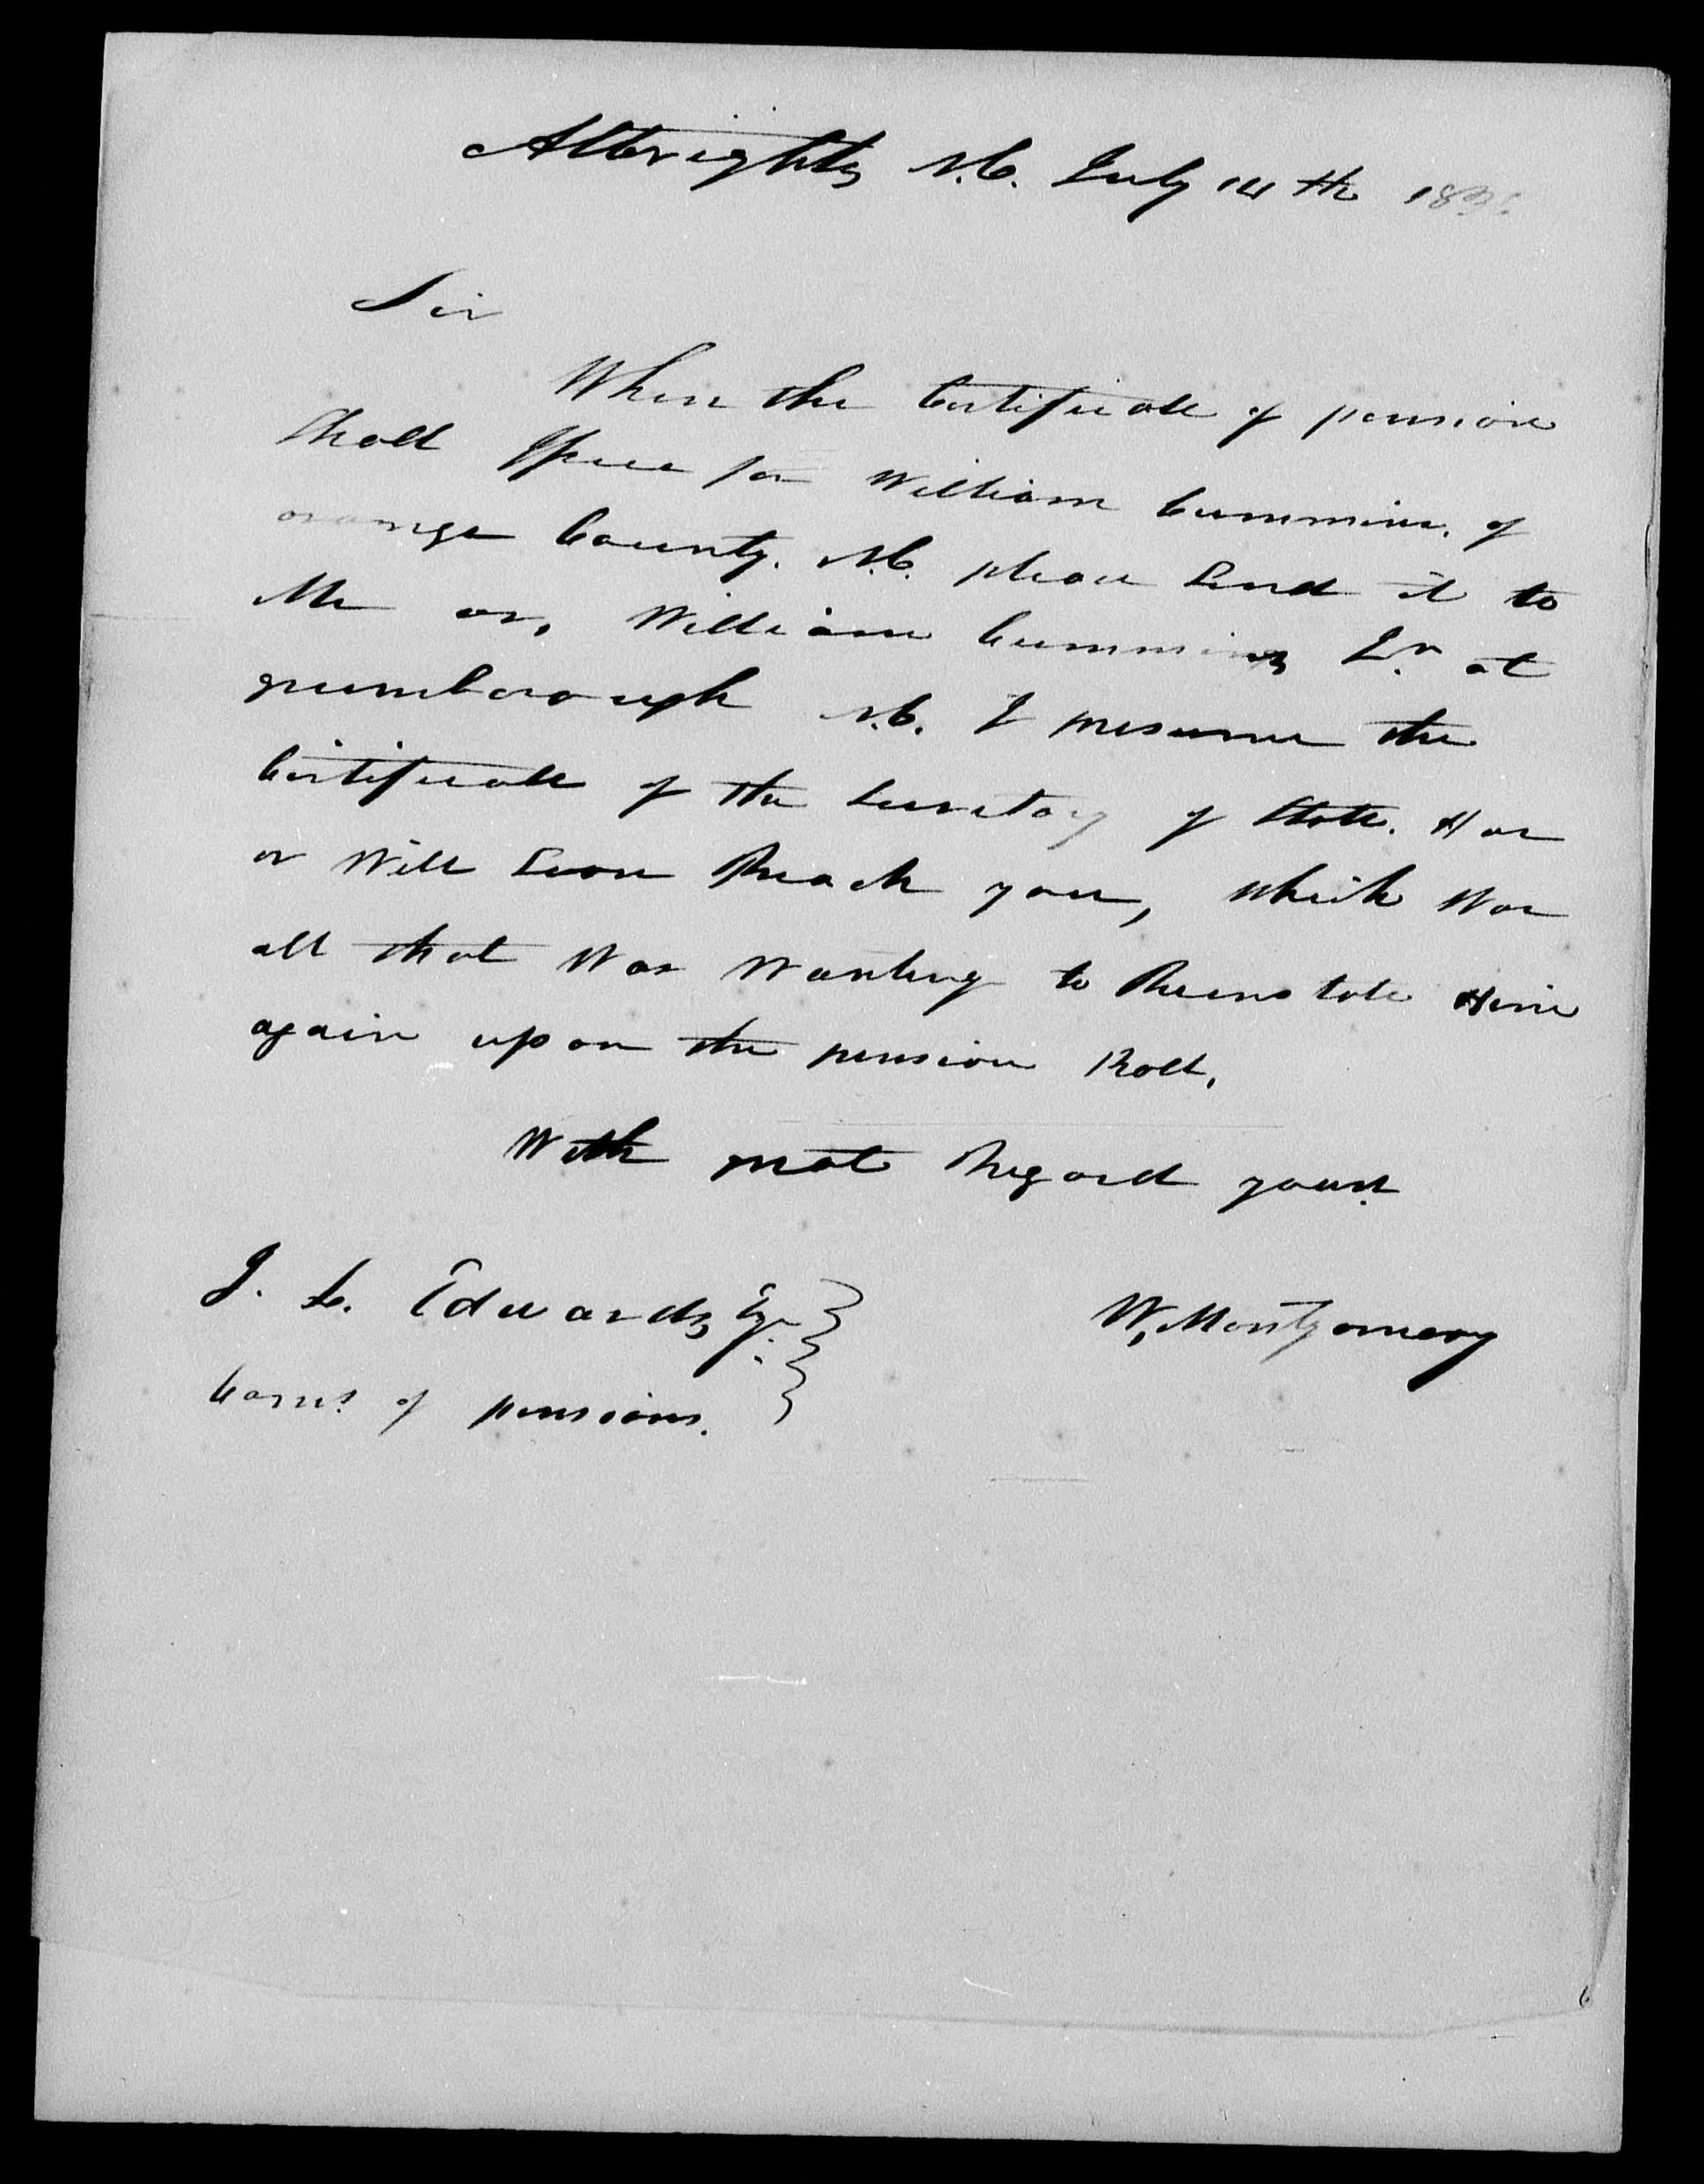[Handwritten letter]

Albrights N.C. July 14th 1836

Sir

When the Certificate of pension [?] Shall Issue for William Cummins. of orange County, N.C. please Sent it to Me or, William Cummins [? Sen or Senior.] at greensborough N.C.  I presume the Certificate of the Secretary of State, Has or Will Soon Reach you, which Was all that Was Wanting to Reinstate Him again upon the pension Roll,

With great regard yours.
W, Montgomery

J. L. Edwards, Esqr. [Esquire])
Coms. [Commissioner] of pensions.)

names: J L Edwards, William Cummins, William Cummins, W Montgomery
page: 50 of 145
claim: survivor's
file: S. 8265, William Cumming, N.C.